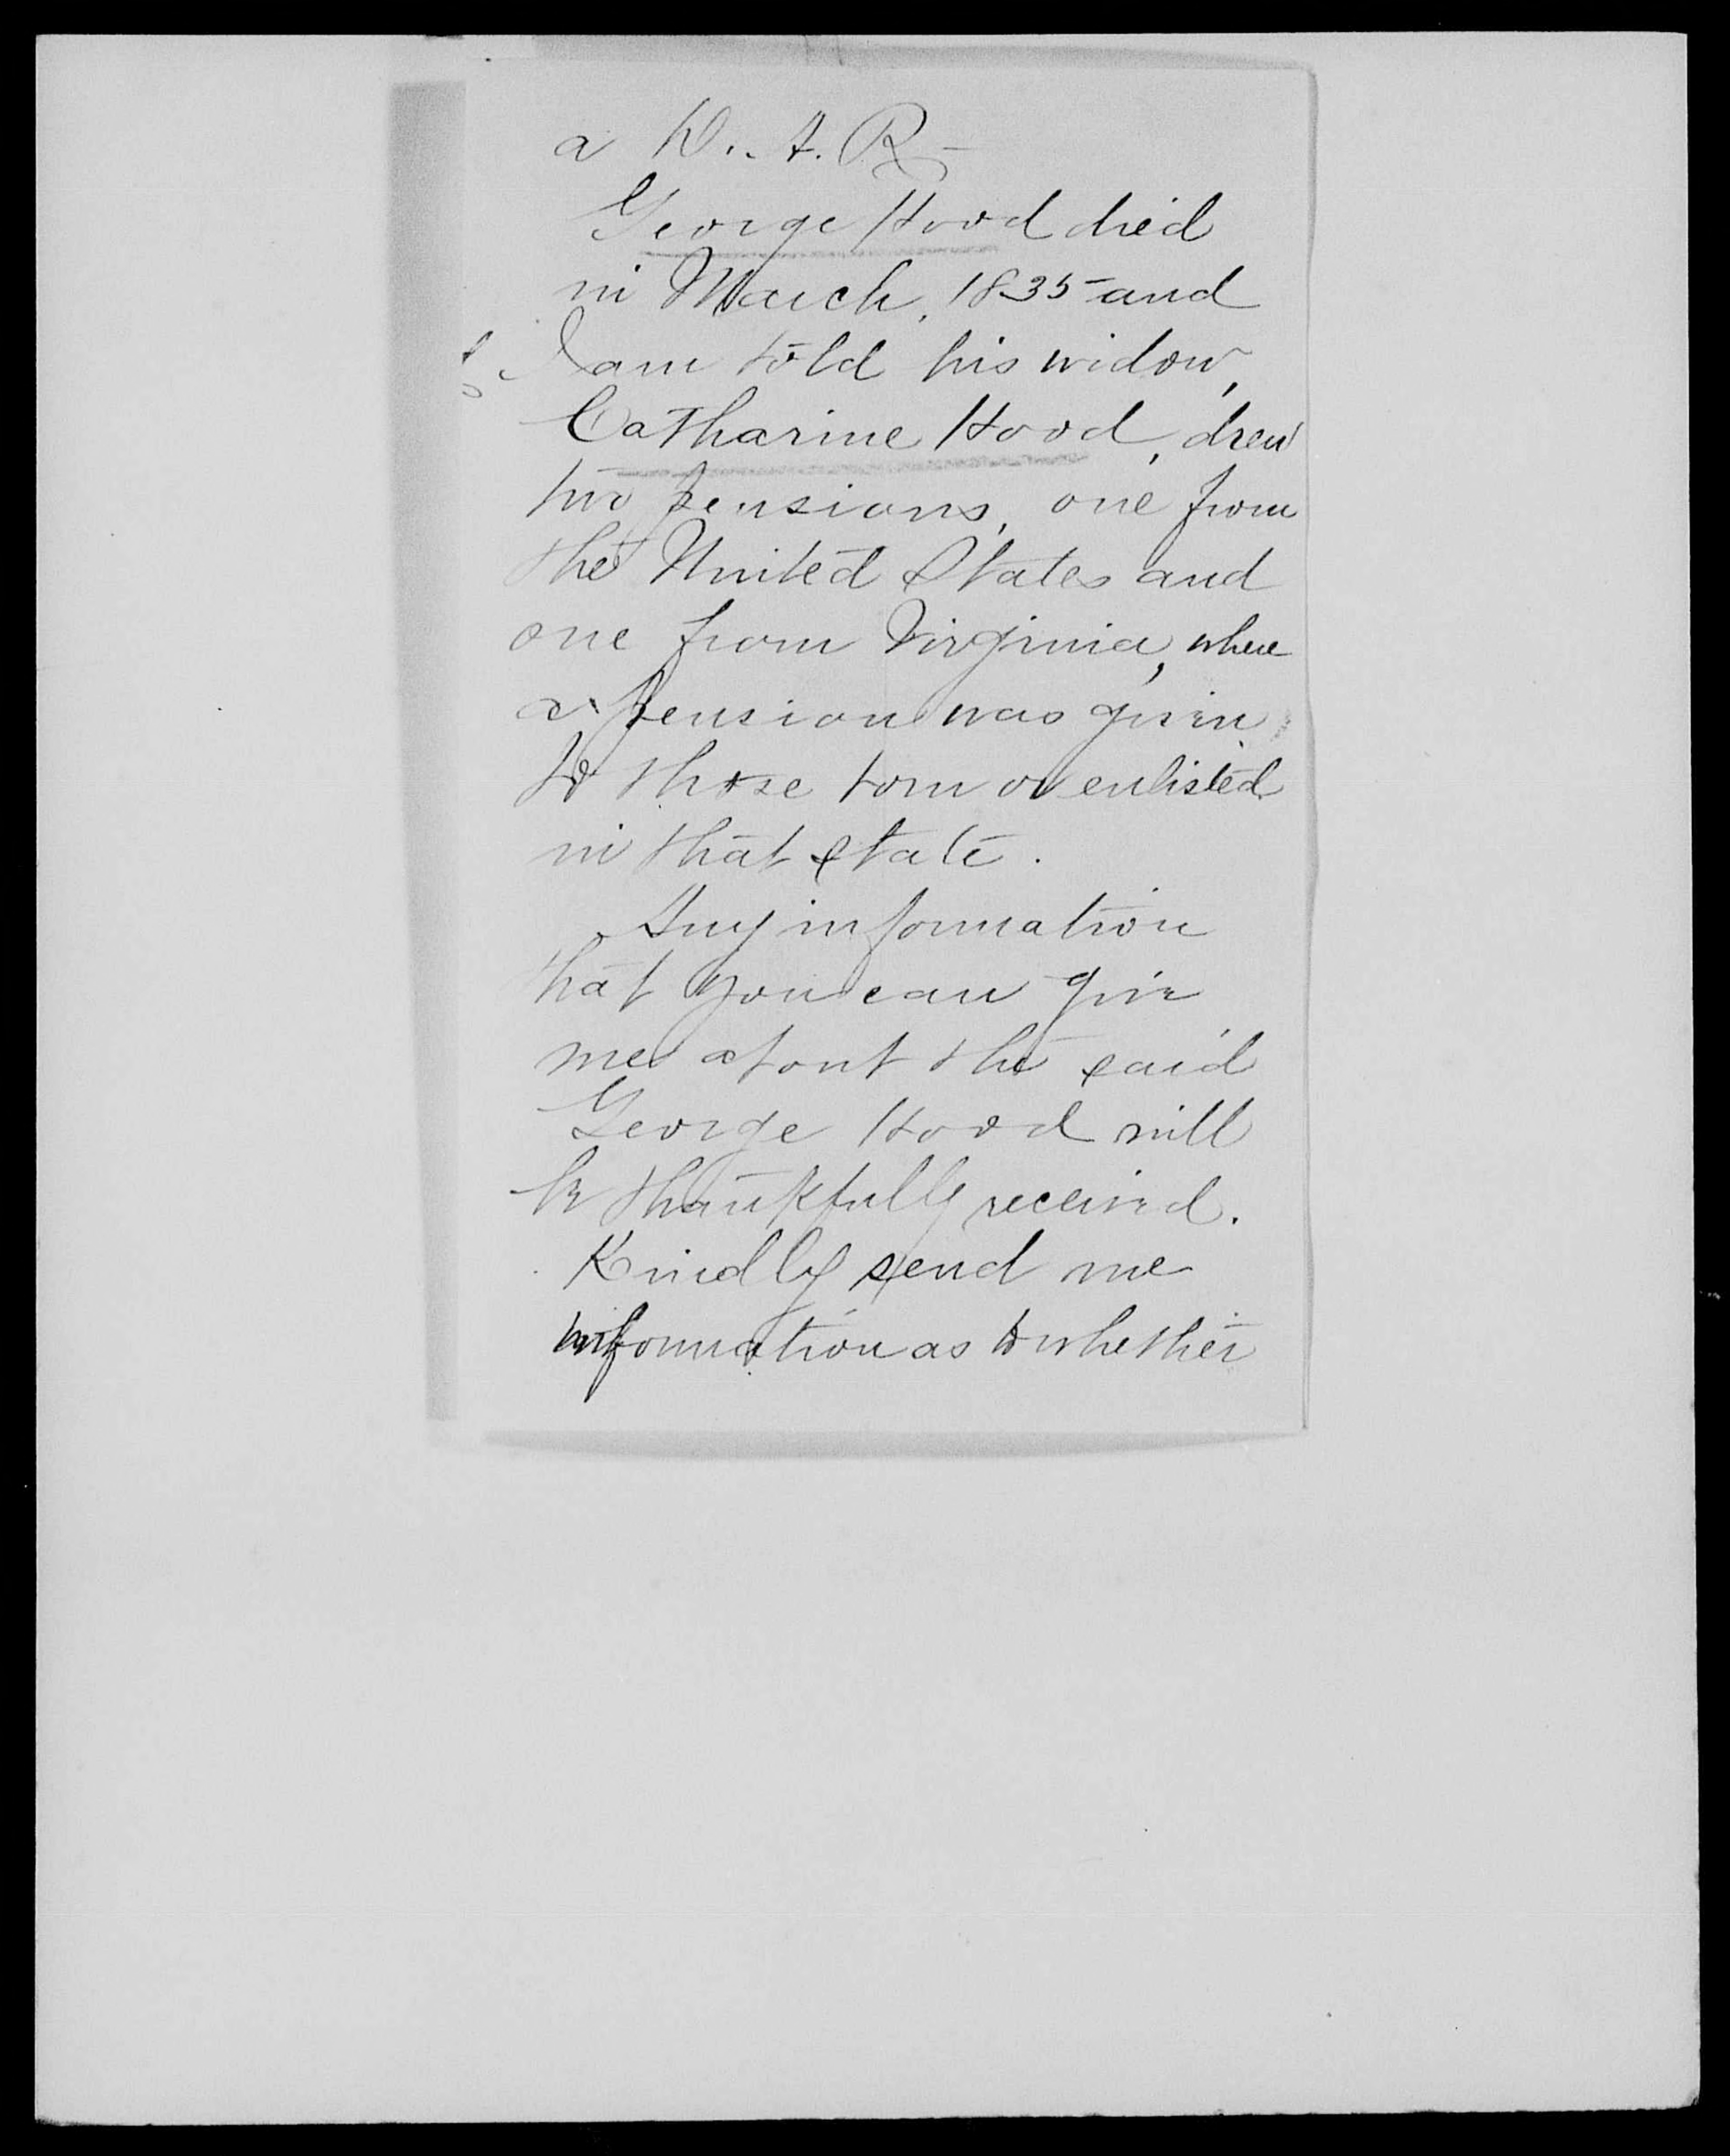George Hood died in March 1835 and I am told his widow, Catharine Hood, drew his pensions, one from the United States and one from Virginia, where a pension was given to those from or enlisted in that State.
Any information that you can given me about the said George Hood will be thankfully received. Kindly send me information as to whether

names: Catharine Hood, George Hood, George Hood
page: 50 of 51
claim: widow's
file: W 8939, George Hood, Continental Va.